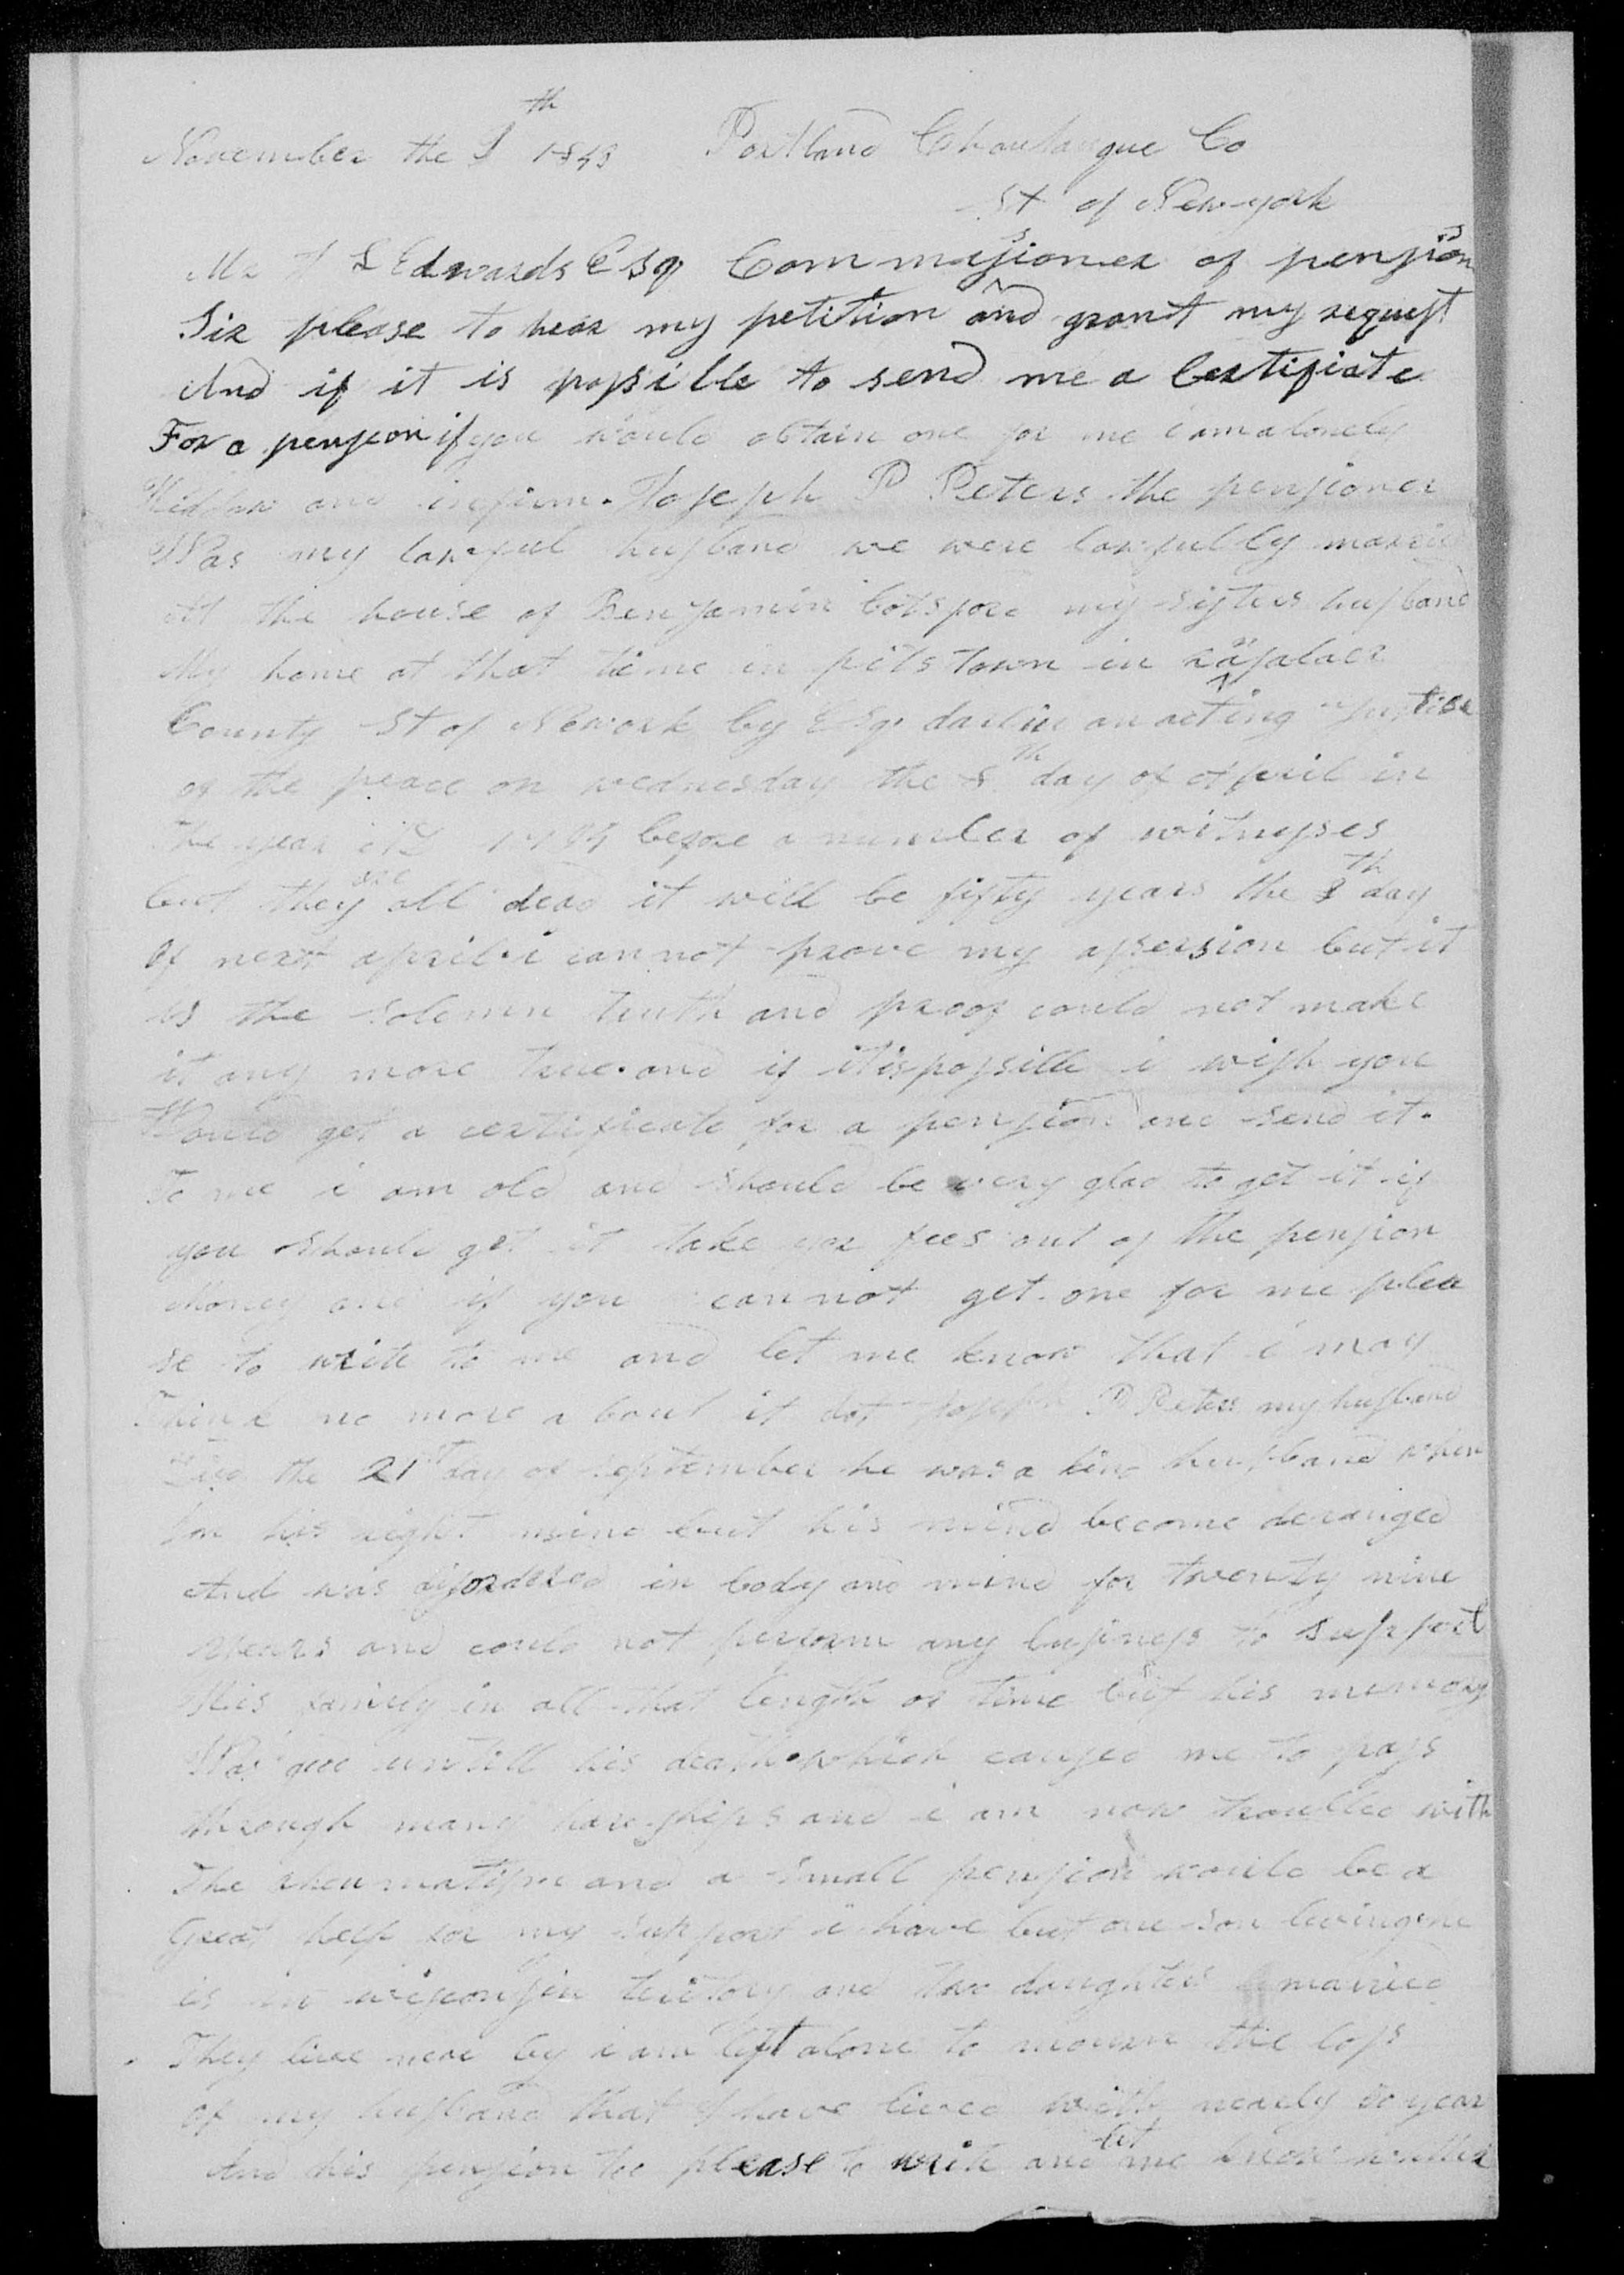November the 5 1843 Portland Chautauqua Co of New York 
Mr. J. L. Edwards Esq Commissioner of pension 
Sir please to hear my petition and grant my request And if it is possible to send me a certificate for a pension if you would obtain one for me.  I am a lonely widow and infirm Joseph P. Peters the pensioner  Was my lawful husband we were lawfully married at the house of Benjamin Cotsfore my sisters husband. My home at that time in Pittstown in Rensselaer County St of New York by Esq Darlin an acting of the peace on wednesday the 8th day of April in the year AD 1794 before a number of witnesses but they all dead, it will be fifty years the 9th day of next April. I cannot prove my appersion but it of the solemn truth and proof could not make any more true and if it is possible I wish you Would get a certificate for a pension and send it to me I am old and should be very glad to get it.  If you should get it take for fees out of the pension money and if you cannot get one for me please to write to me and let me know that I may think no more about it [unreadable].   Joseph P Peters my husband Died the 21st day of September. he was a kind husband when in his right mind but his mind become deranged And his [unreadable] in body and mind for twenty nine years and could not perform any business to support his family in all that length of time of his memory was good untill his death which caused me to pass through many hardships and I am now troubled with the rheumatism and a small pension would be great help for my support.  I have but one son living he is in Wisconsin Territory and three daughters married.  They live near by.  I am left alone to mourn the loss of my husband that I have lived with nearly 50 years And his pension be please to write and let me know [unreadable]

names: J L Edwards; Joseph P Peters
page: 27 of 73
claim: widow's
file: W. 2338, for Joseph P Peters, Connecticut